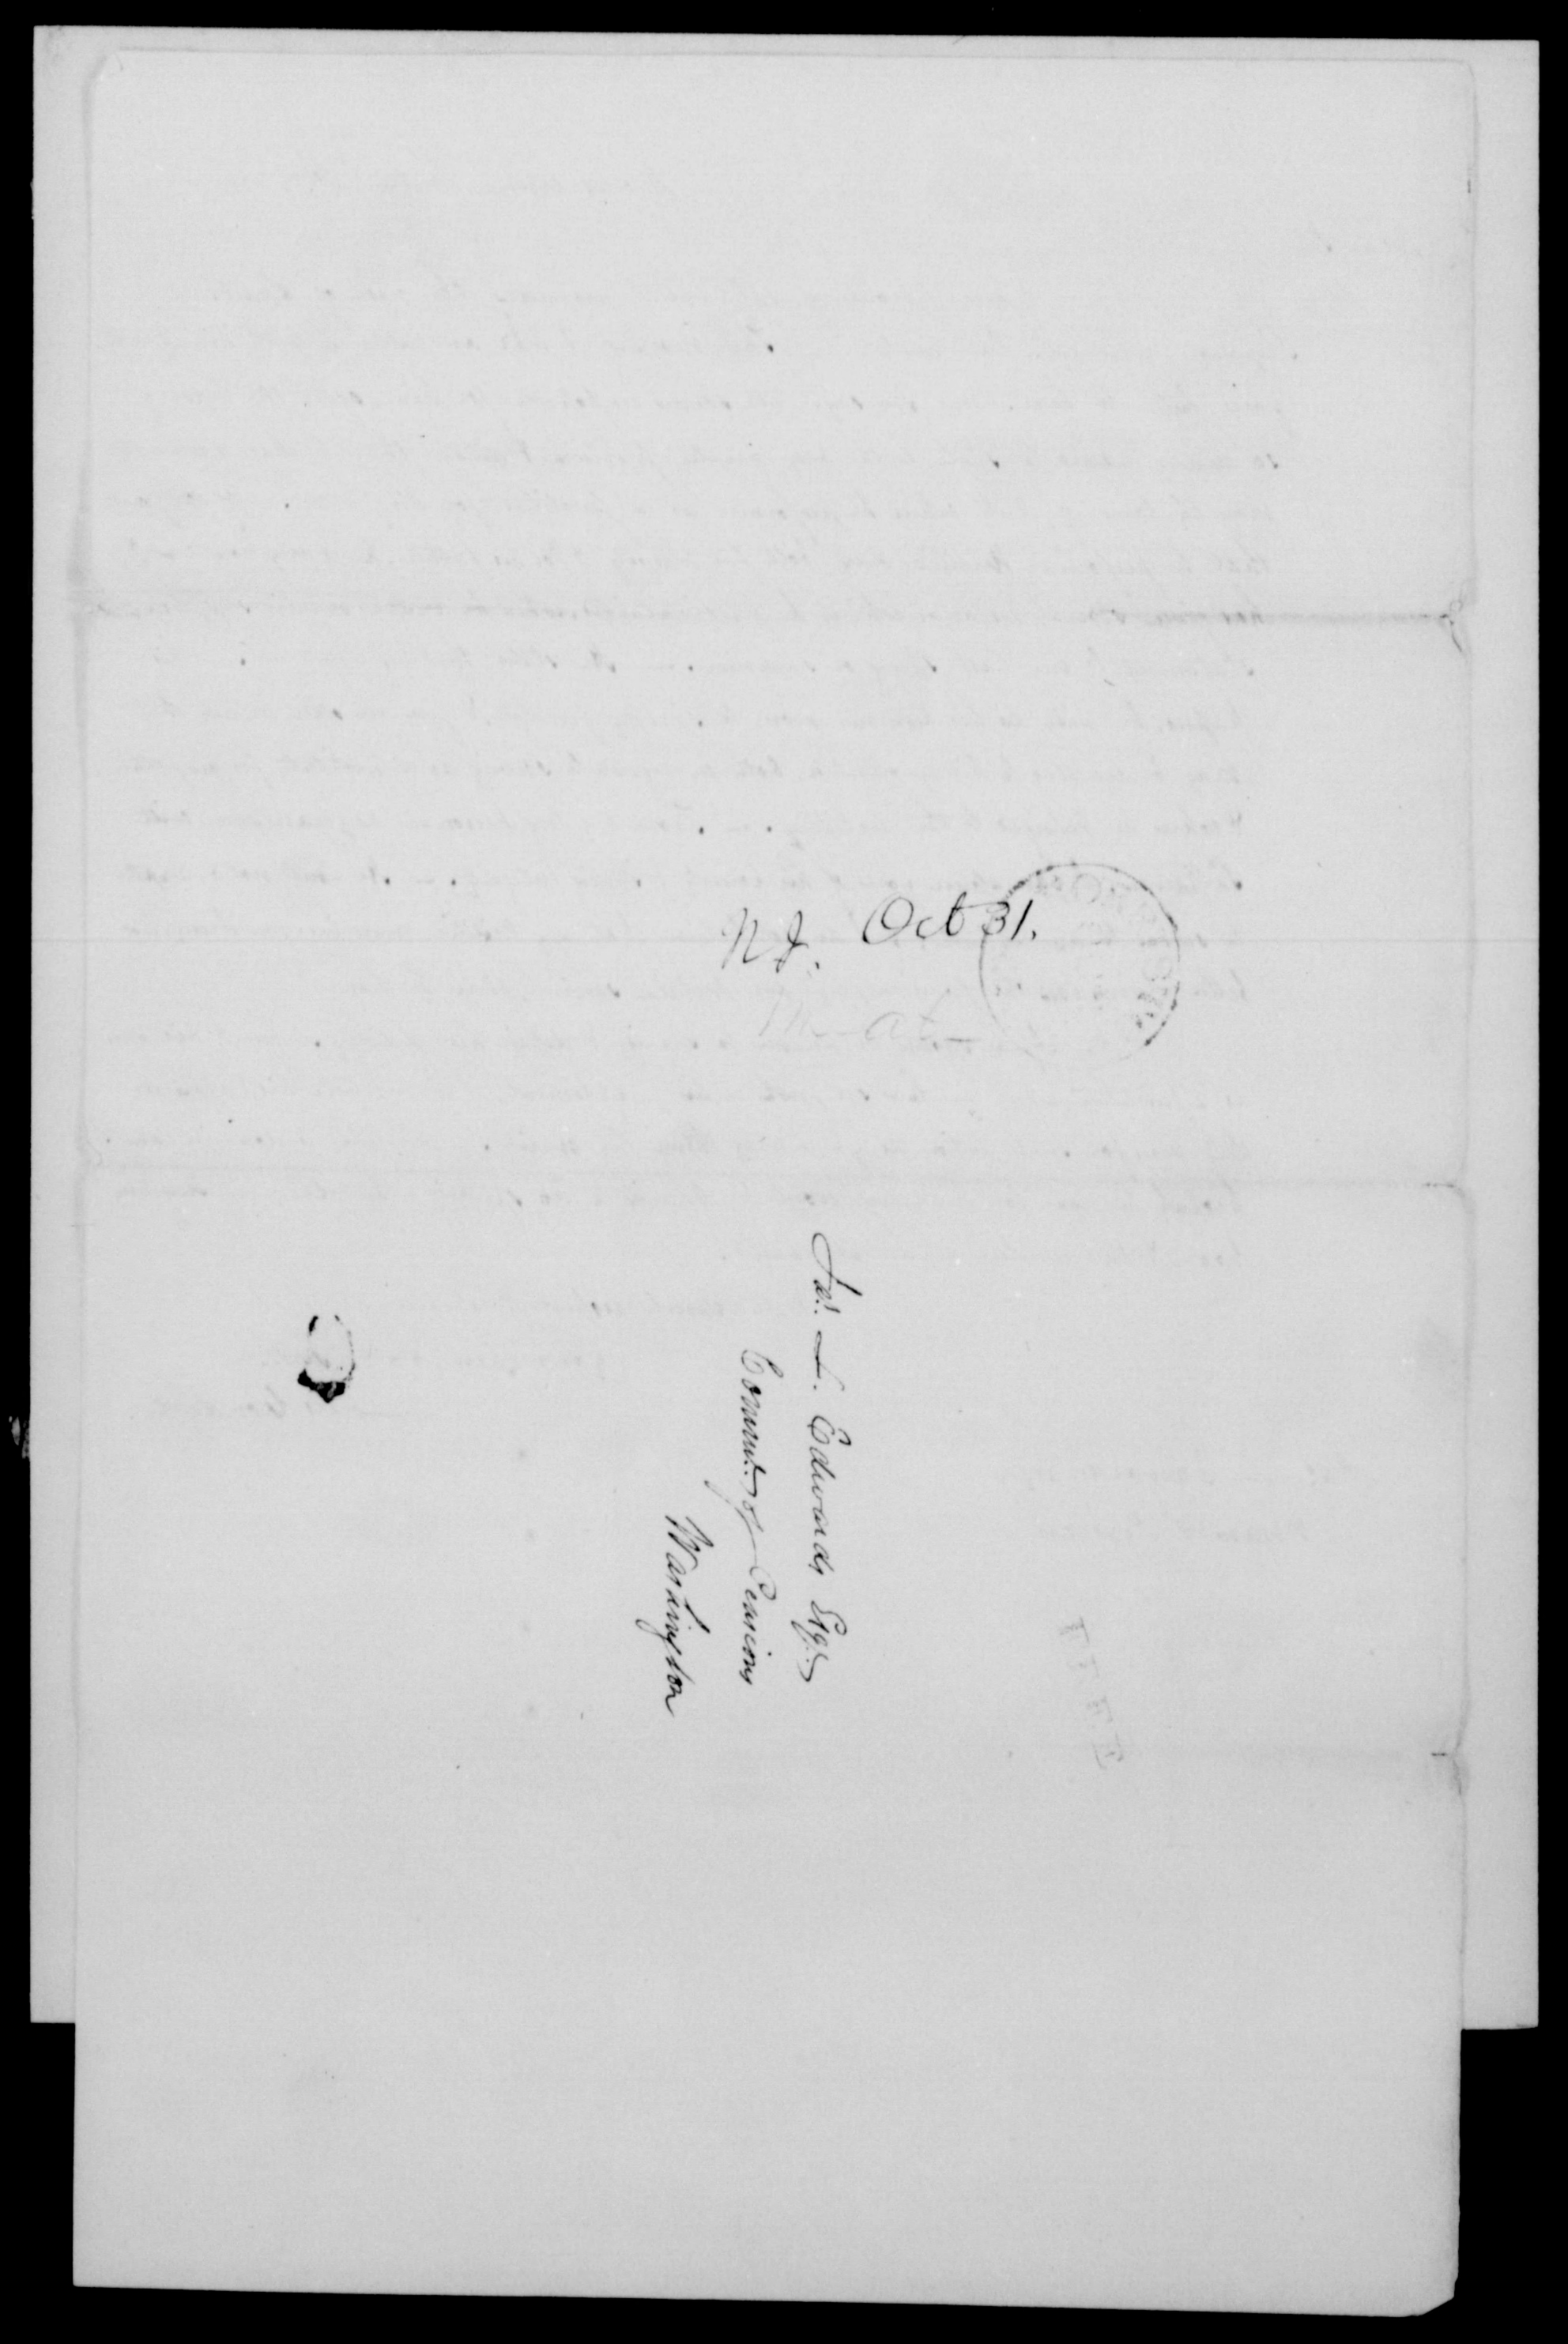N.J. Oct 31.
[illegible at-

FREE

Jas.L. Edwards
Commr. of Pensions
Washington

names: Jas L Edwards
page: 28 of 44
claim: survivor's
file: S. 912, for Samuel Shipman, New Jersey